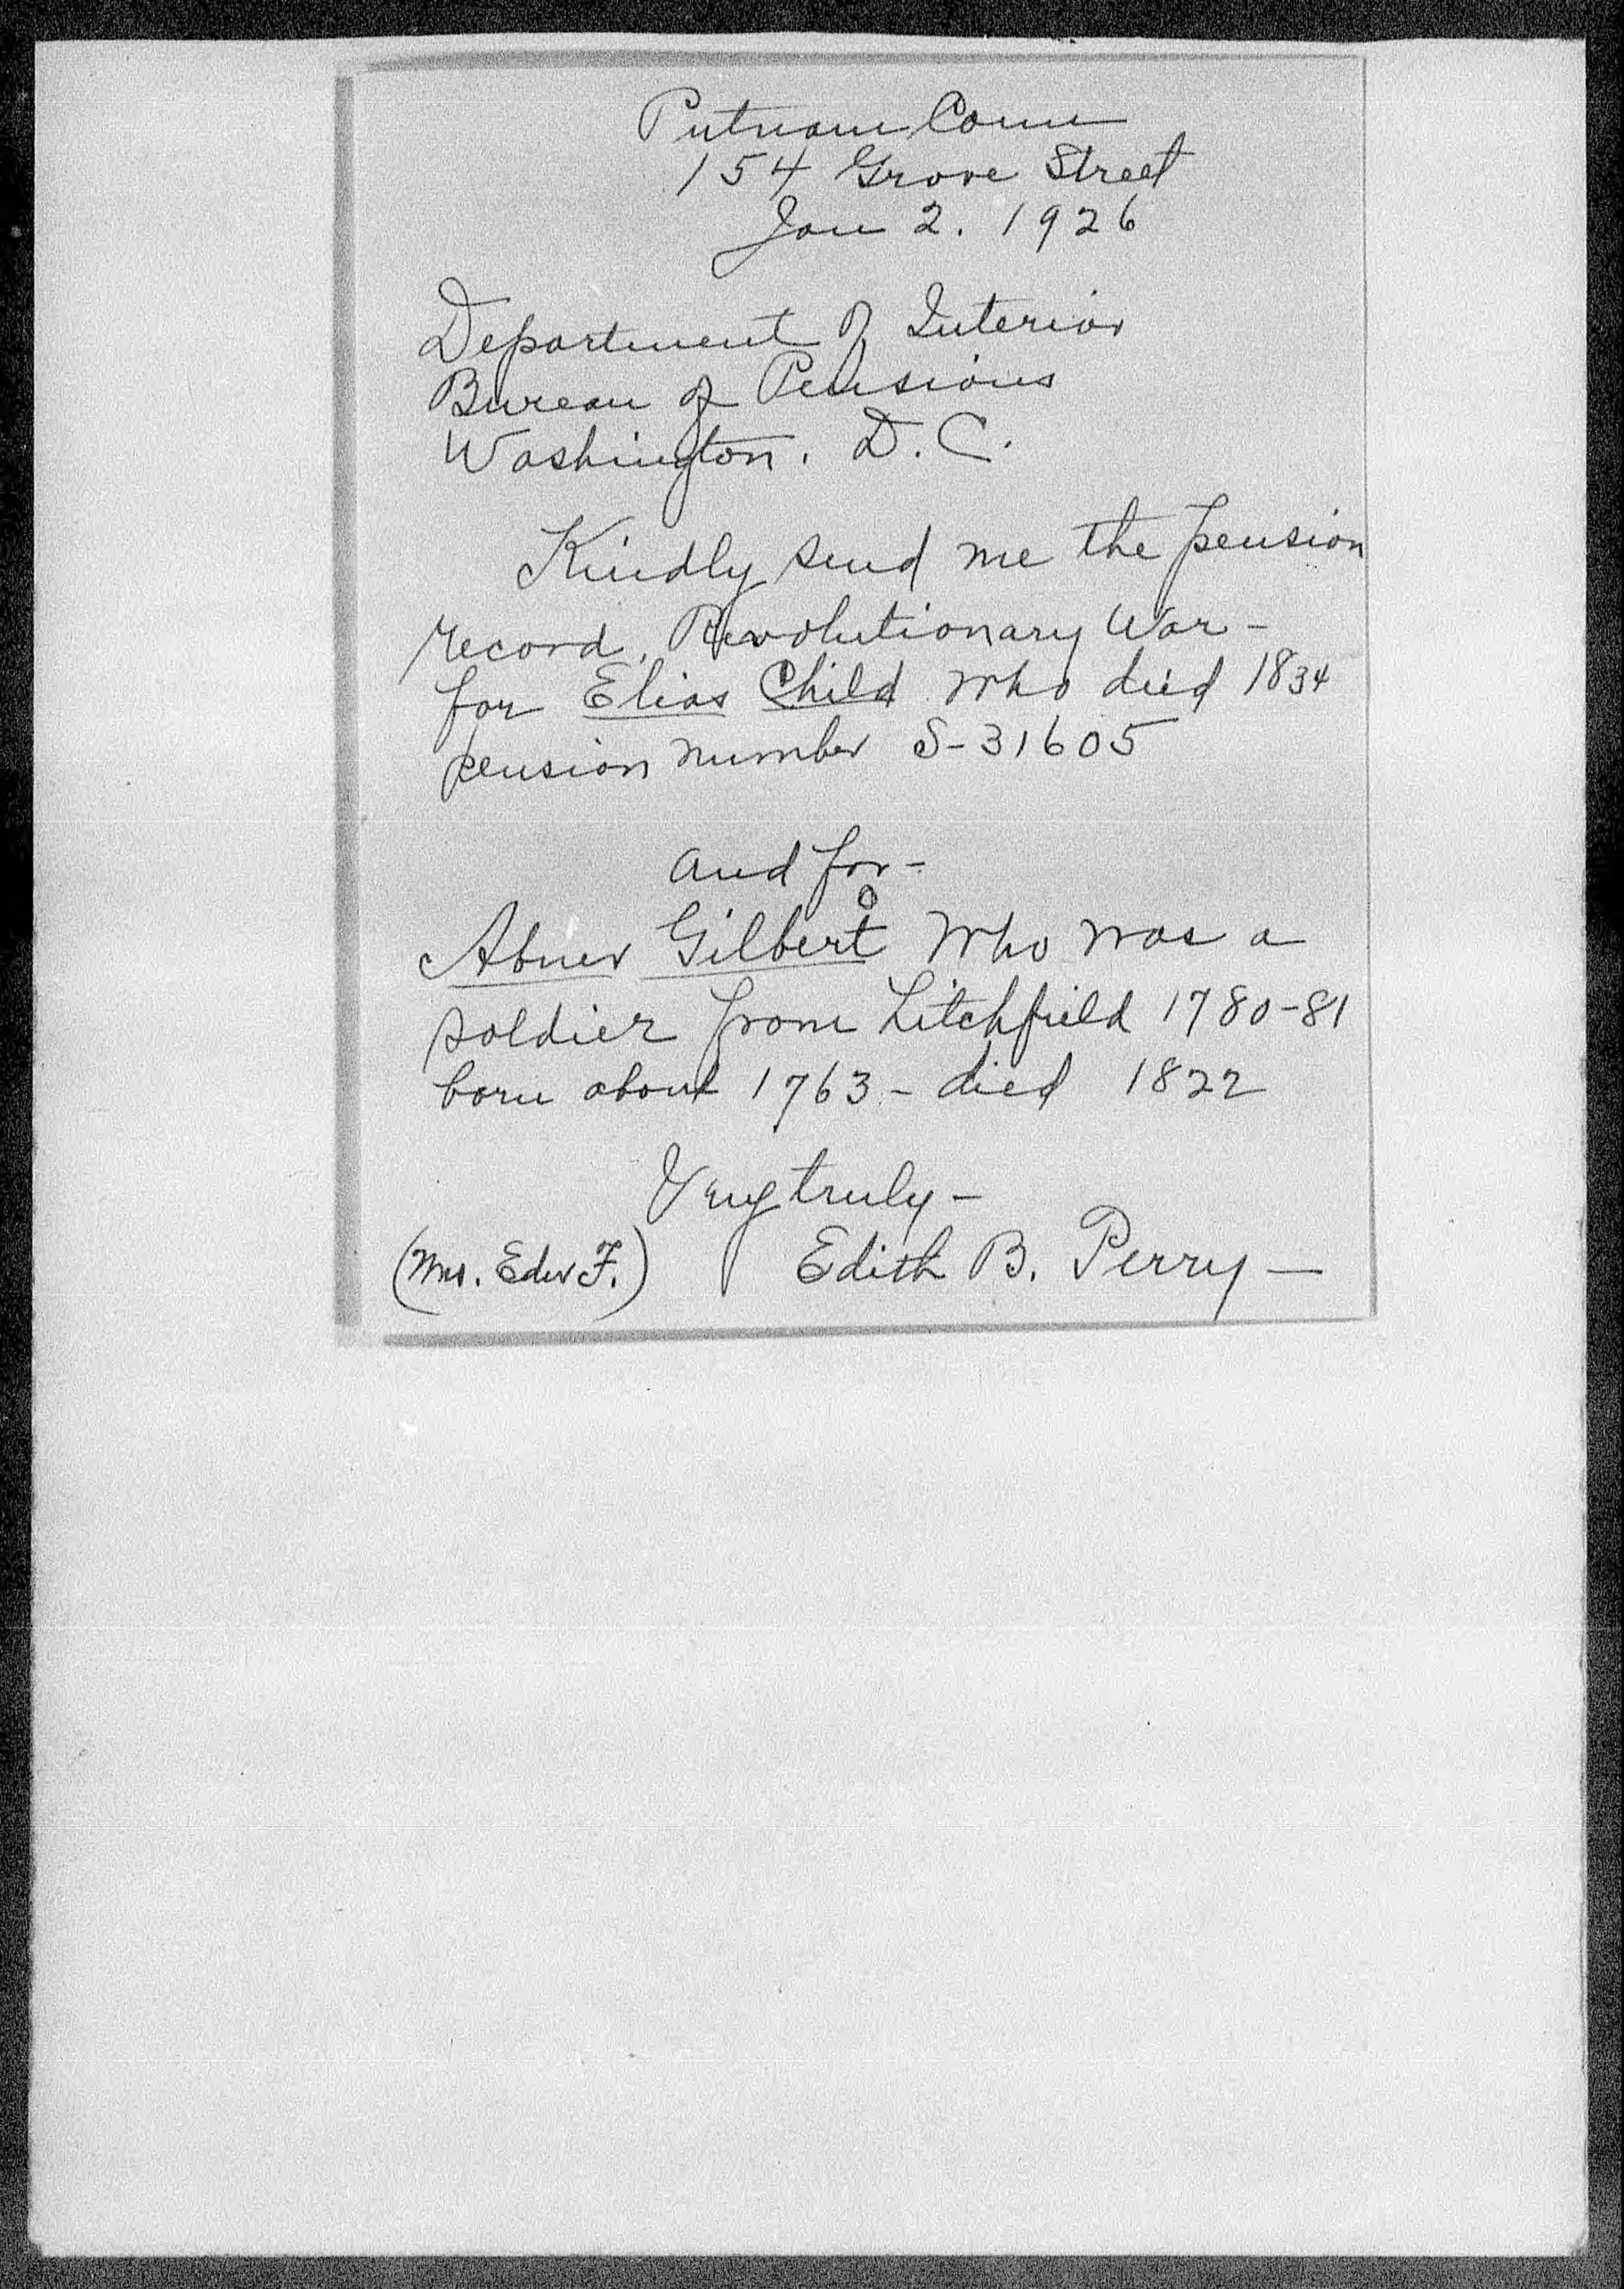Putnam Conn
154 Grove Street
Jan 2 1926

Department of Interior
Bureau of Pensions
Washington DC
Kindly send me the pension record, Revolutionary War for Elias Child who died 1834 pension number S-31605

and for-
Abner Gilbert who was a soldier from Litchfield 1780-81 from about 1763 - died 1822

Very truly - 
(Mr. Edner F) Edith B Perry -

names: Elias Child, Edith B Perry, Edw F, Abner Gilbert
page: 29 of 34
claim: survivor's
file: S. 31,605, Elias Child, Conn.